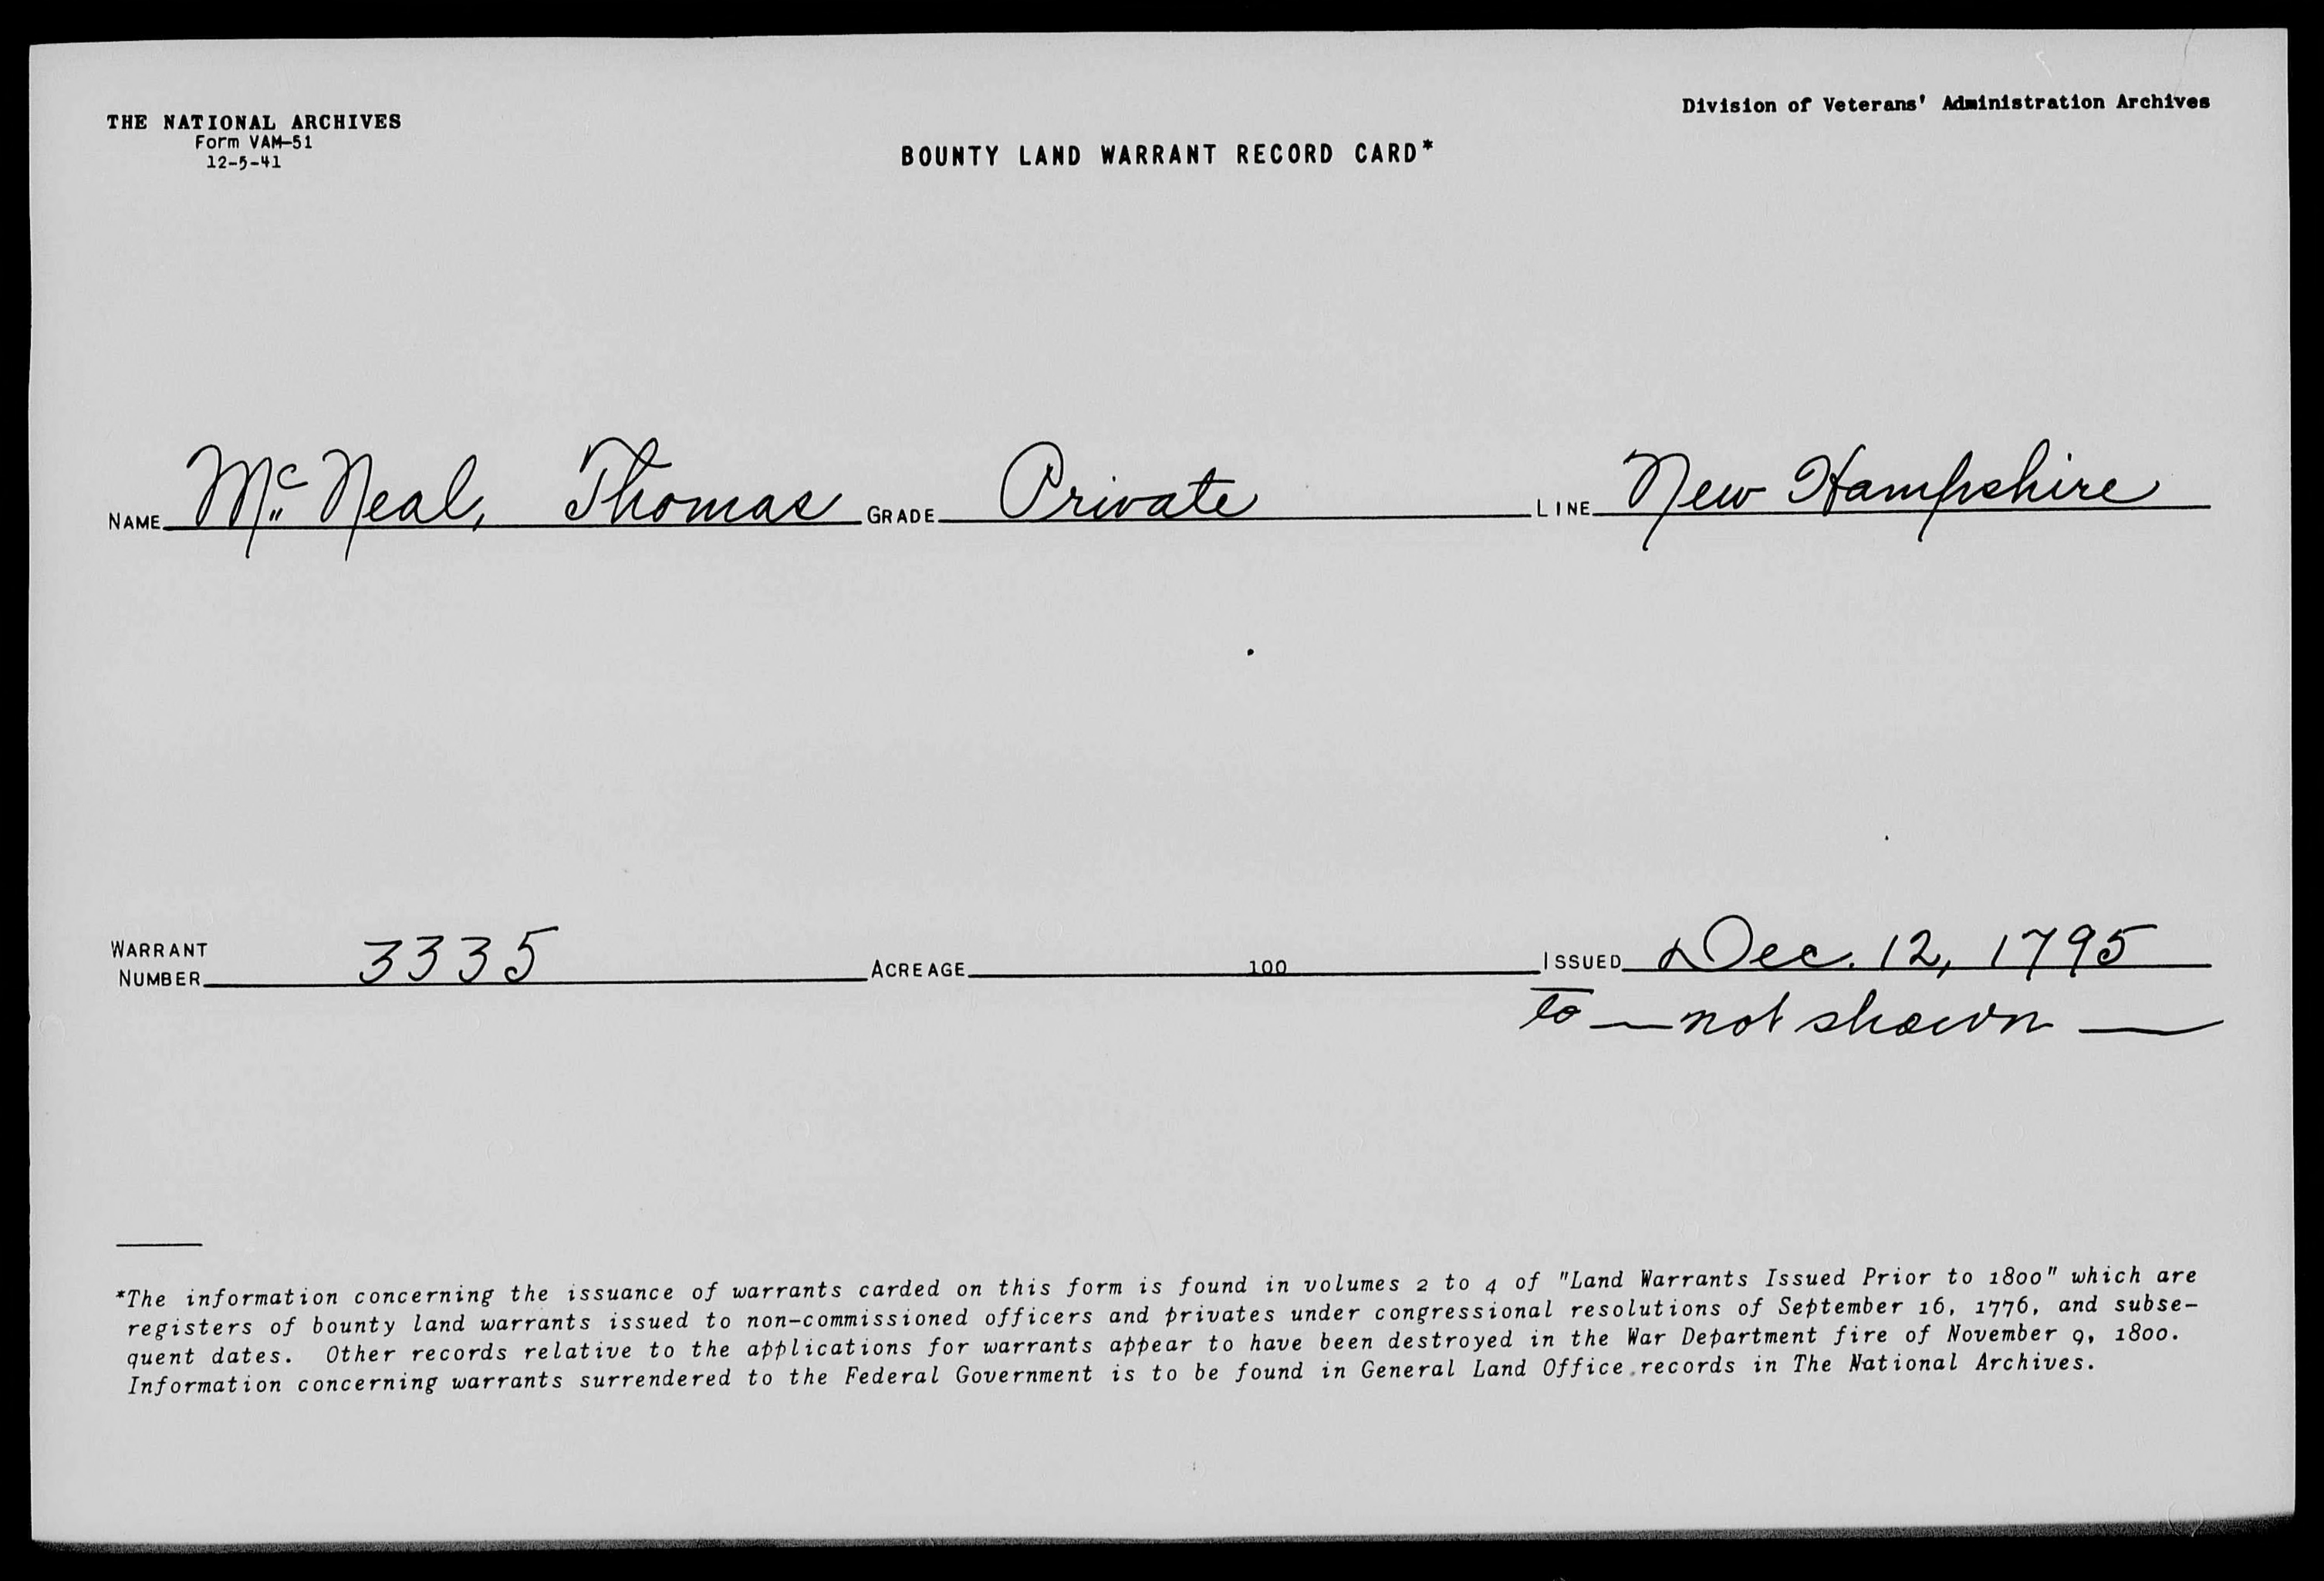Division of Veterans' Administration Archives 

THE NATIONAL ARCHIVES 
Form VAM-51 
12-5-41 

BOUNTY LAND WARRANT RECORD CARD *
 
NAME    McNeal, Thomas

GRADE   Private 

LINE        New Hampshire  

WARRANT NUMBER   3335

 ACREAGE.  100 

ISSUED      Dec. 12, 1795
to - not shown - 



*The information concerning the issuance of warrants carded on this form is found in volumes 2 to 4 of "Land Warrants Issued Prior to 1800" which are registers of bounty land warrants issued to non-commissioned officers and privates under congressional resolutions of September 16, 1776, and subsequent dates. Other records relative to the applications for warrants appear to have been destroyed in the War Department fire of November 9, 1800. Information concerning warrants surrendered to the Federal Government is to be found in the General Land office records in the National Archives.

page: 2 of 2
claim: rejected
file: R. 22897, for Neal Mc Neal, New York